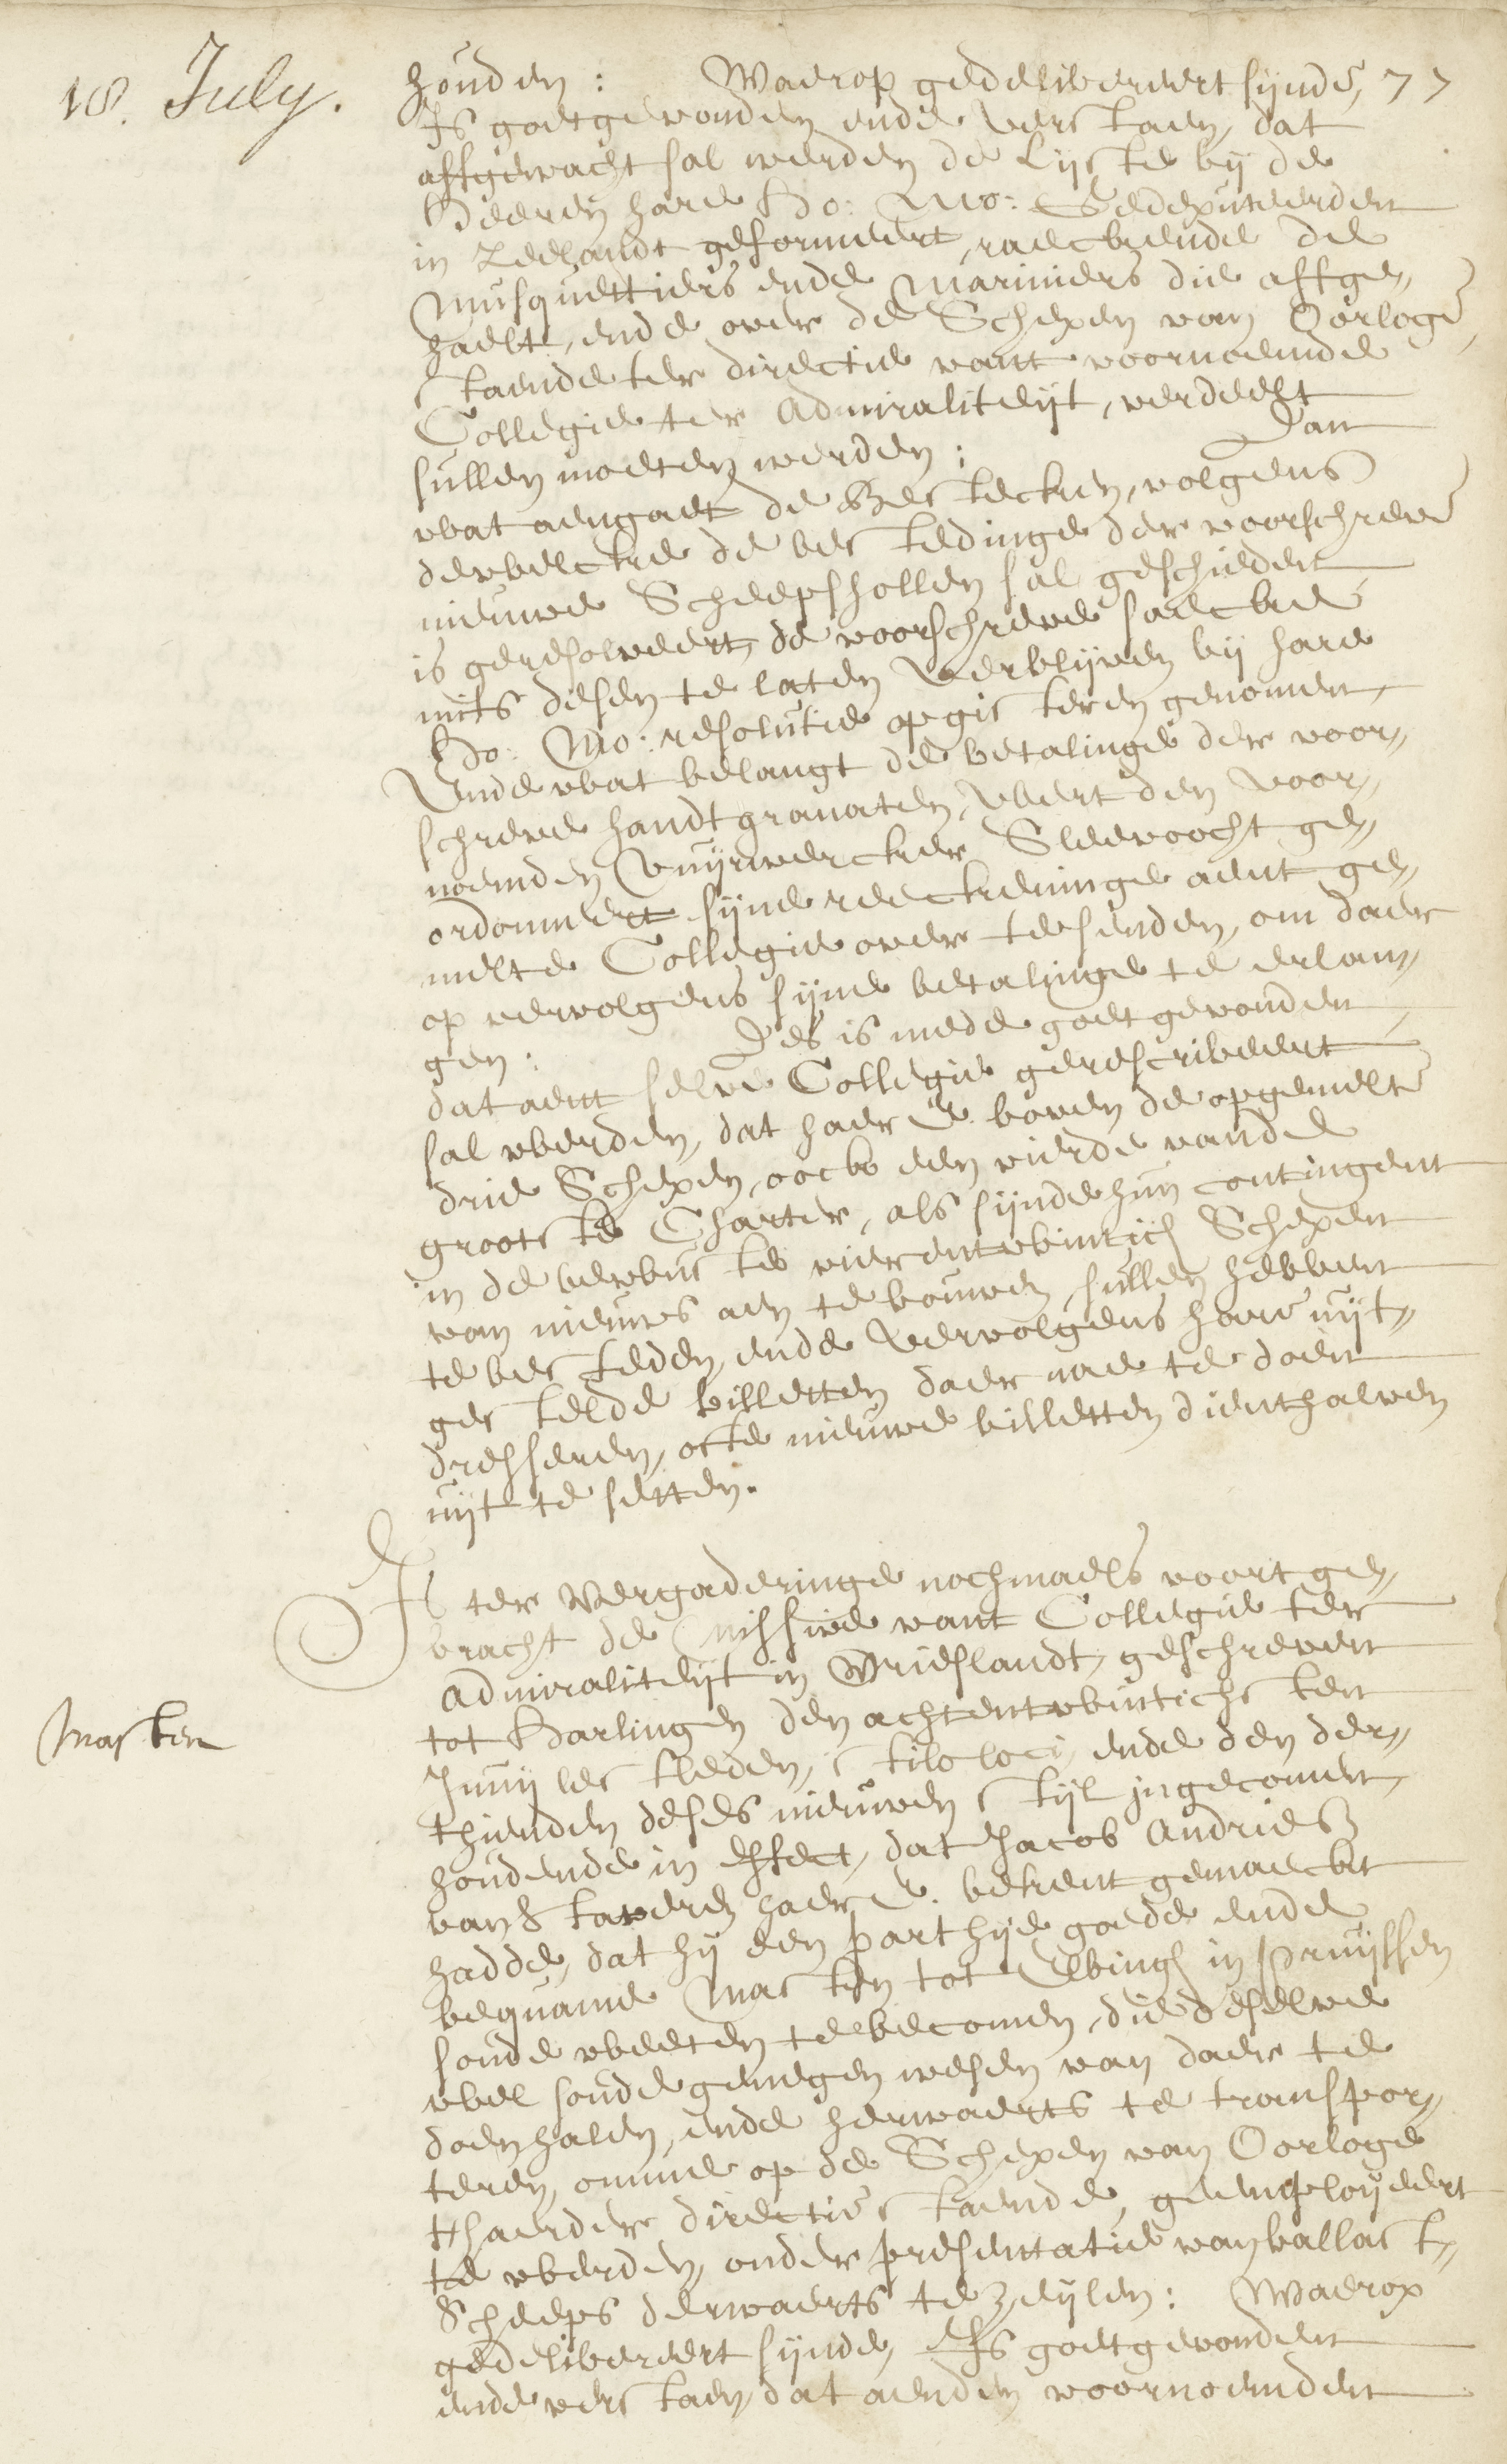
77
18. July.
houden: Waerop gedelibereert sijnde,
Is goetgevonden ende verstaen, dat
affgewacht sal werden de Lijste bij de
Heeren hare Ho:Mo: Gedeputeerden
in Zeelandt geformeert, raeckende de
musquettiers ende mariniers die affge„
haelt, ende over de Schepen van Oorloge
staende ter directie vant voornoemde
Collegie ter Admiraliteijt, verdeelt
sullen moeten werden: Dan
wat aengaet de Bestecken, volgens
dewelcke de bestedinge der voorschreve
nieuwe Scheepshollen sal geschieden
is geresolveert, de voorschreve saecke
mits desen te laten verblijven bij hare
Ho:Mo: resolutie op gisteren genomen.
Ende wat belangt de betalinge der voor,,
schreve handtgranaten, wert den voor,,
noemden vuijrwercker Sleevoocht ge,,
ordonneert sijne reeckeninge aent ge,,
melte Collegie over te senden, om daer
op vervolgens sijne betalinge te erlan„
gen: Des is mede goetgevonden,
dat aent selve Collegie gerescribeert
sal werden, dat haer E. boven de opgemelte
drie Schepen, oock een vierde vande
grootste Charter, als sijnde hun contingent
in de bewuste vierentwintich Schepen
van nieuws aen te bouwen, sullen hebben
te besteden, ende vervolgens hare uijt„
gestelde billetten daer nae te doen
dresseren, ofte nieuwe billetten dienthalven
uijt te setten.
Masten
Is ter vergaderinge nochmaels voortge„
bracht de missive vant Collegie ter
Admiraliteijt in Vrieslandt, geschreven
tot Harlingen den achtentwintichsten
Junij lestleden, stilo loci, ende den der„
thienden deses nieuwen stijl ingecomen,
houdende in effect, dat Jacob Andries
van Staveren haer E. bekent gemaeckt
hadde, dat hij een parthije goede ende
bequame masten tot Elbingh in Pruijssen
soude weeten te becomen, die deselve
wel soude genegen wesen van daer te
doen halen, ende herwaerts te transpor,,
teren, omme op de Schepen van Oorloge
t‛haerder directie staende, geemploijeert
te werden, onder presentatie van ballast,,
Scheeps derwaerts te zeijlen: Waerop
gedelibereert sijnde, Is goetgevonden
ende verstaen, dat aenden voornoemden
